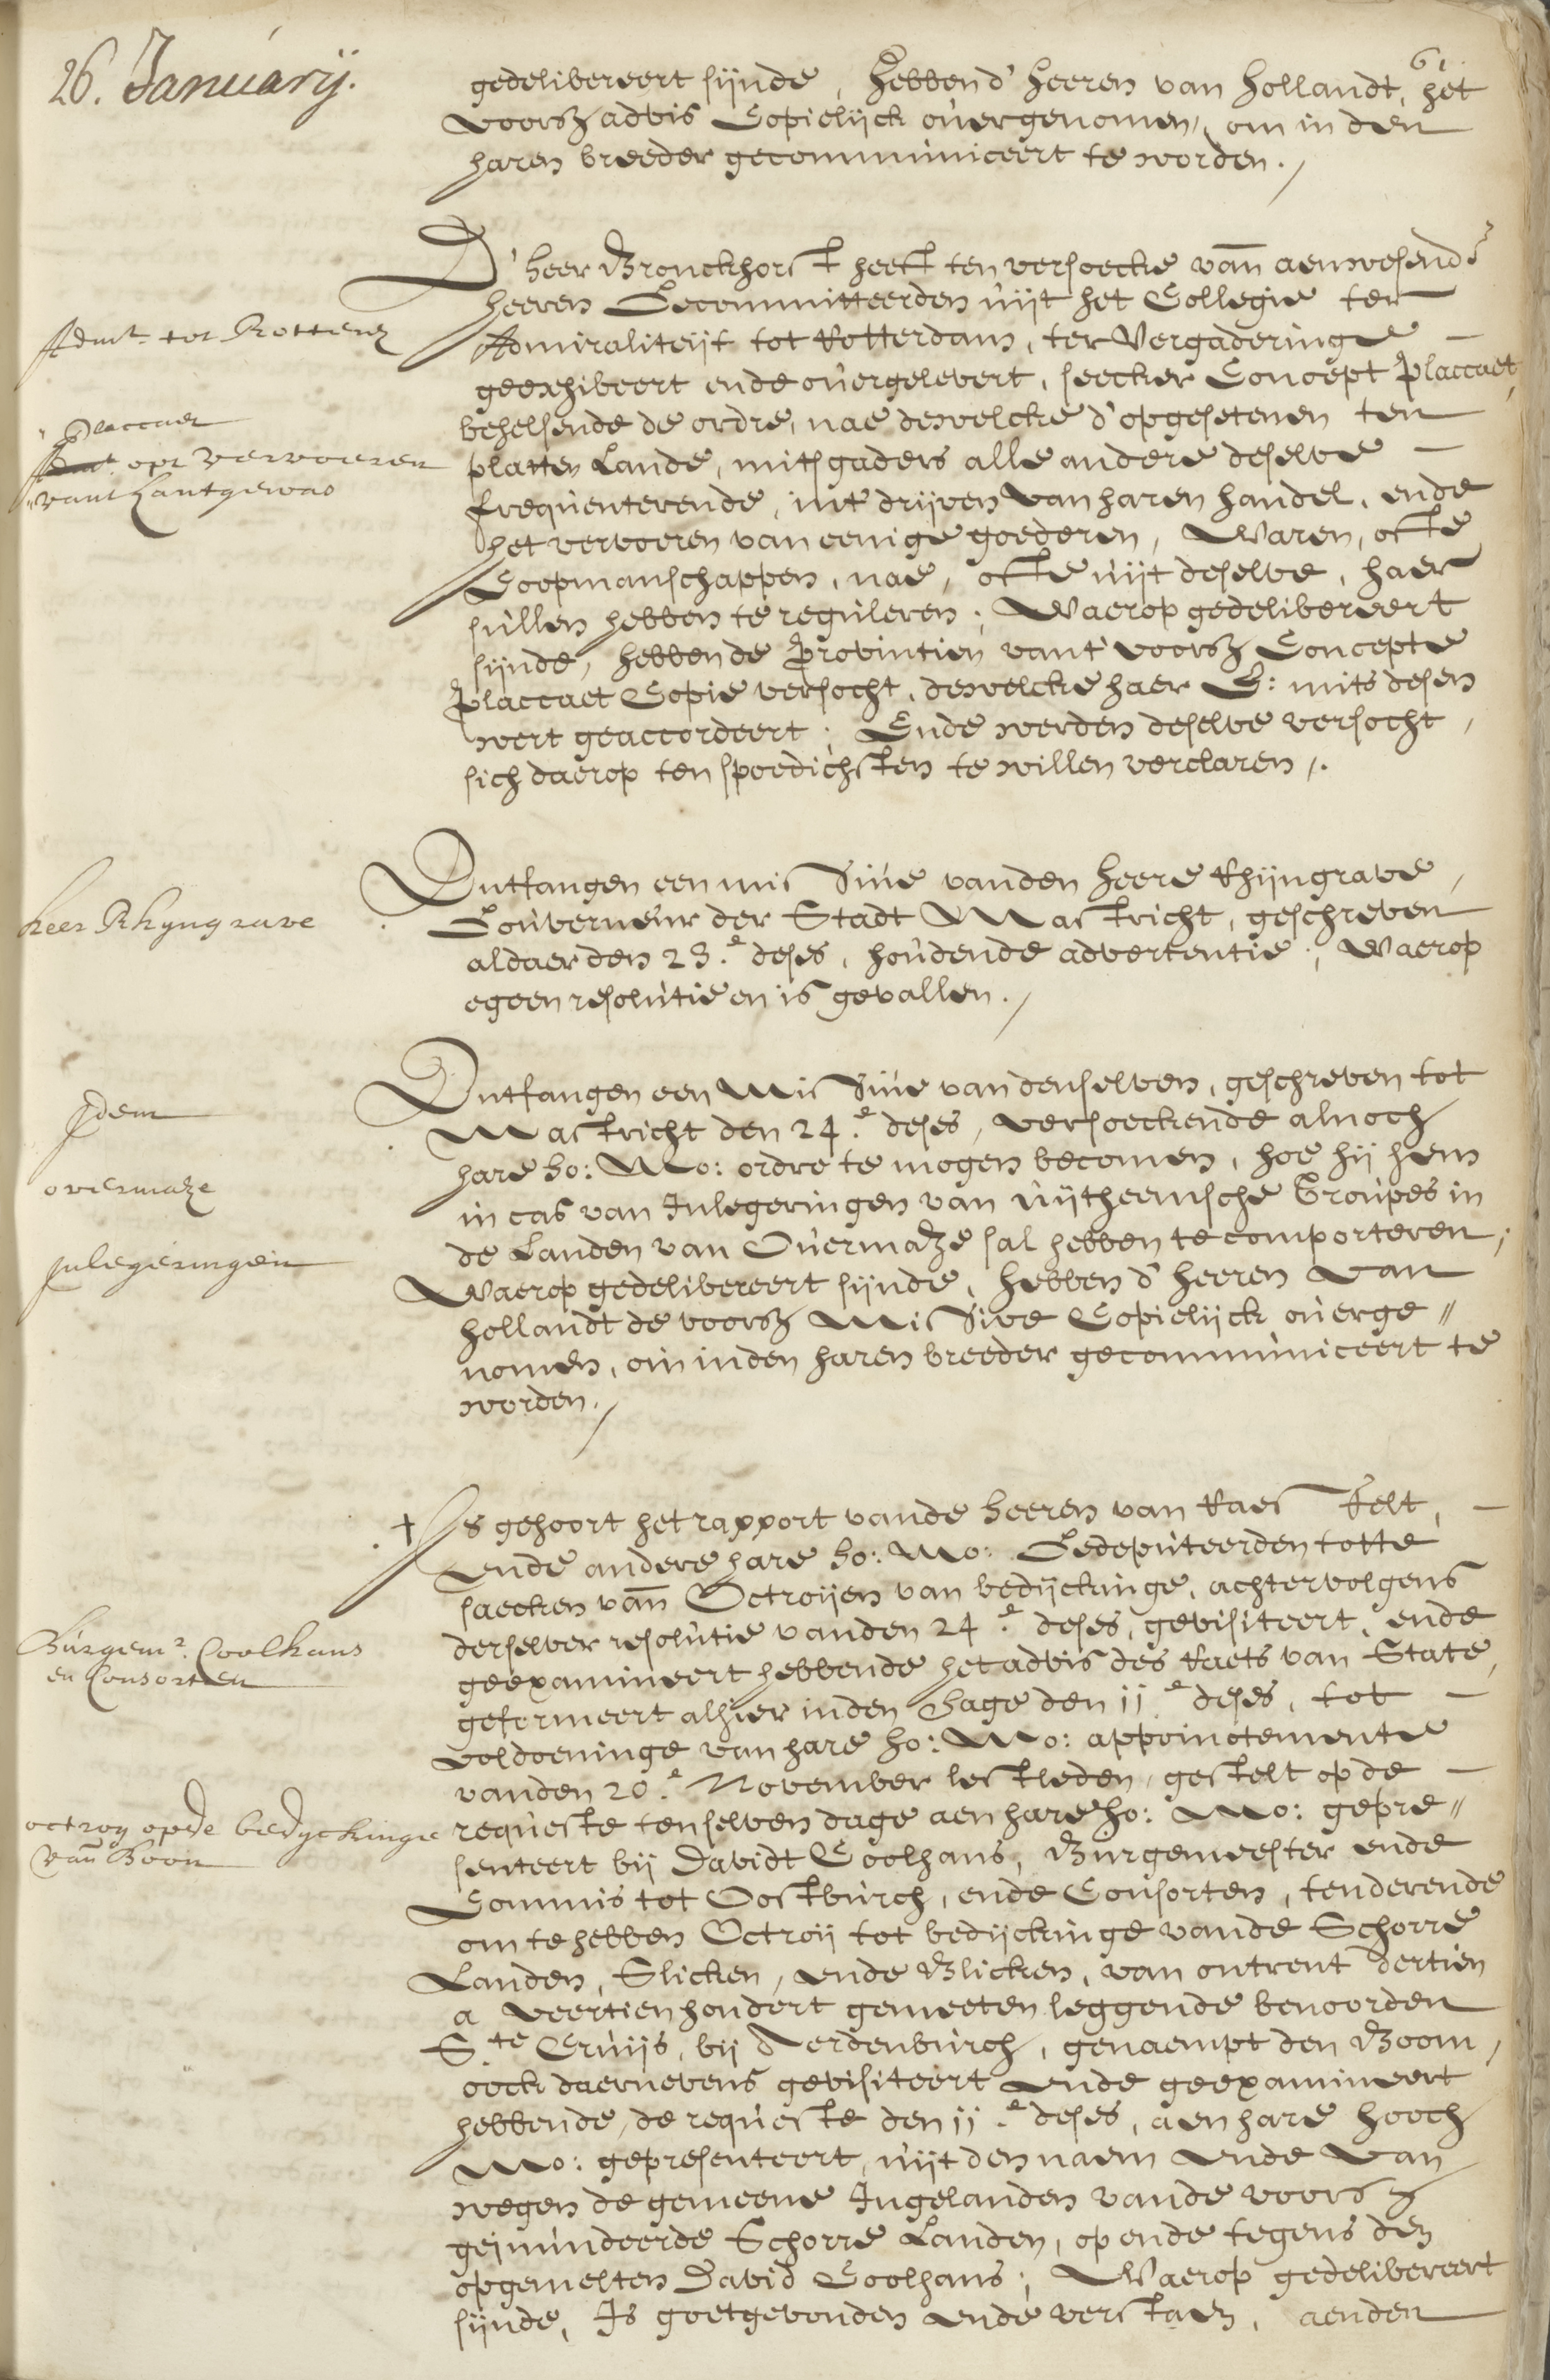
61
26. Januarij.
gedelibereert sijnde, hebben d'heeren van hollandt, het
voorsz advis Copielijck ouergenomen, om in den
haren breeder gecommuniceert te worden.
Admt. tot Rotterm
Placcaet
Admt. opt vervoeren
„vant Lantgewas
D'heer Bronckhorst heeft ten versoecke van aenwesende
heeren Gecommitteerden uijt het Collegie ter
Admiraliteijt tot Rotterdam, ter Vergaderinge —
geexhibeert ende ouergelevert, seecker Concept placcaet,
behelsende de ordre, nae dewelcke d'opgesetenen ten
platten Lande, mitsgaders alle andere deselve —
frequenterende, int' drijven van haren handel, ende
het vervoeren van eenige goederen, Waren, ofte
Coopmanschappen, nae, ofte uijt deselve, haer
sullen hebben te reguleren; Waerop gedelibereert
sijnde, hebben de Provintien vant' voorsz Concepte
Placcaet Copie versocht, deswelcke haer E: mits desen
wert geaccordeert; Ende werden deselve versocht,
sich daerop ten spoedichsten te willen verclaren.
heer Rhyngrave
Ontfangen een missiue vanden heere Rhijngrave,
Gouverneur der Stadt Mastricht, geschreven
aldaer den 23.e deses, houdende advertentie; Waerop
egeen resolutie en is gevallen.
Idem
overmaze
Inlegeringen
Ontfangen een Missiue van denselven, geschreven tot
Mastricht den 24.e deses, versoeckende alnoch
hare ho:Mo: ordre te mogen becomen, hoe hij hem
in cas van Inlegeringen van uijtheemsche Troupes in
de Landen van Ouermaze sal hebben te comporteren;
Waerop gedelibereert sijnde, hebben d'heeren van
hollandt de voorsz Missive Copielijck ouerge„
nomen, om inden haren breeder gecommuniceert te
worden.
Burgemr. Coolhans
en Consorten
octroy opde bedyckinge
van Boon
Is gehoort het rapport vande heeren van Raesfelt, —
ende andere hare ho:Mo: Gedeputeerden totte
saecken van Octroijen van bedijckinge, achtervolgens
derselver resolutie vanden 24 .e deses, gevisiteert, ende
geexamineert hebbende het advis des Raets van State,
geformeert alhier inden Hage den ii .e deses, tot —
voldoeninge van hare ho:Mo: appoinctemente
vanden 20 .e November lestleden, gestelt op de —
requeste ten selven dage aen hare ho:Mo: gepre„
senteert bij Davidt Coolhans, Burgemeester ende
Commis tot Oostburch, ende Consorten, tenderende
om te hebben Octroij tot bedijckinge vande Schorre
Landen, Slicken, ende Blicken, van ontrent dertien
a veertien hondert gemeeten leggende benoorden
S.te Cruijs, bij Aerdenburch, genaempt den Boom,
oock daernevens gevisiteert ende geexamineert
hebbende, de requeste den ii .e deses, aen hare hooch
Mo: gepresenteert uijt den naem ende van
wegen de gemeene Ingelanden vande voorsz
geinundeerde Schorre Landen, op ende tegens den
opgemelten David Coolhans; Waerop gedelibereert
sijnde, Is goetgevonden ende verstaen, aenden
